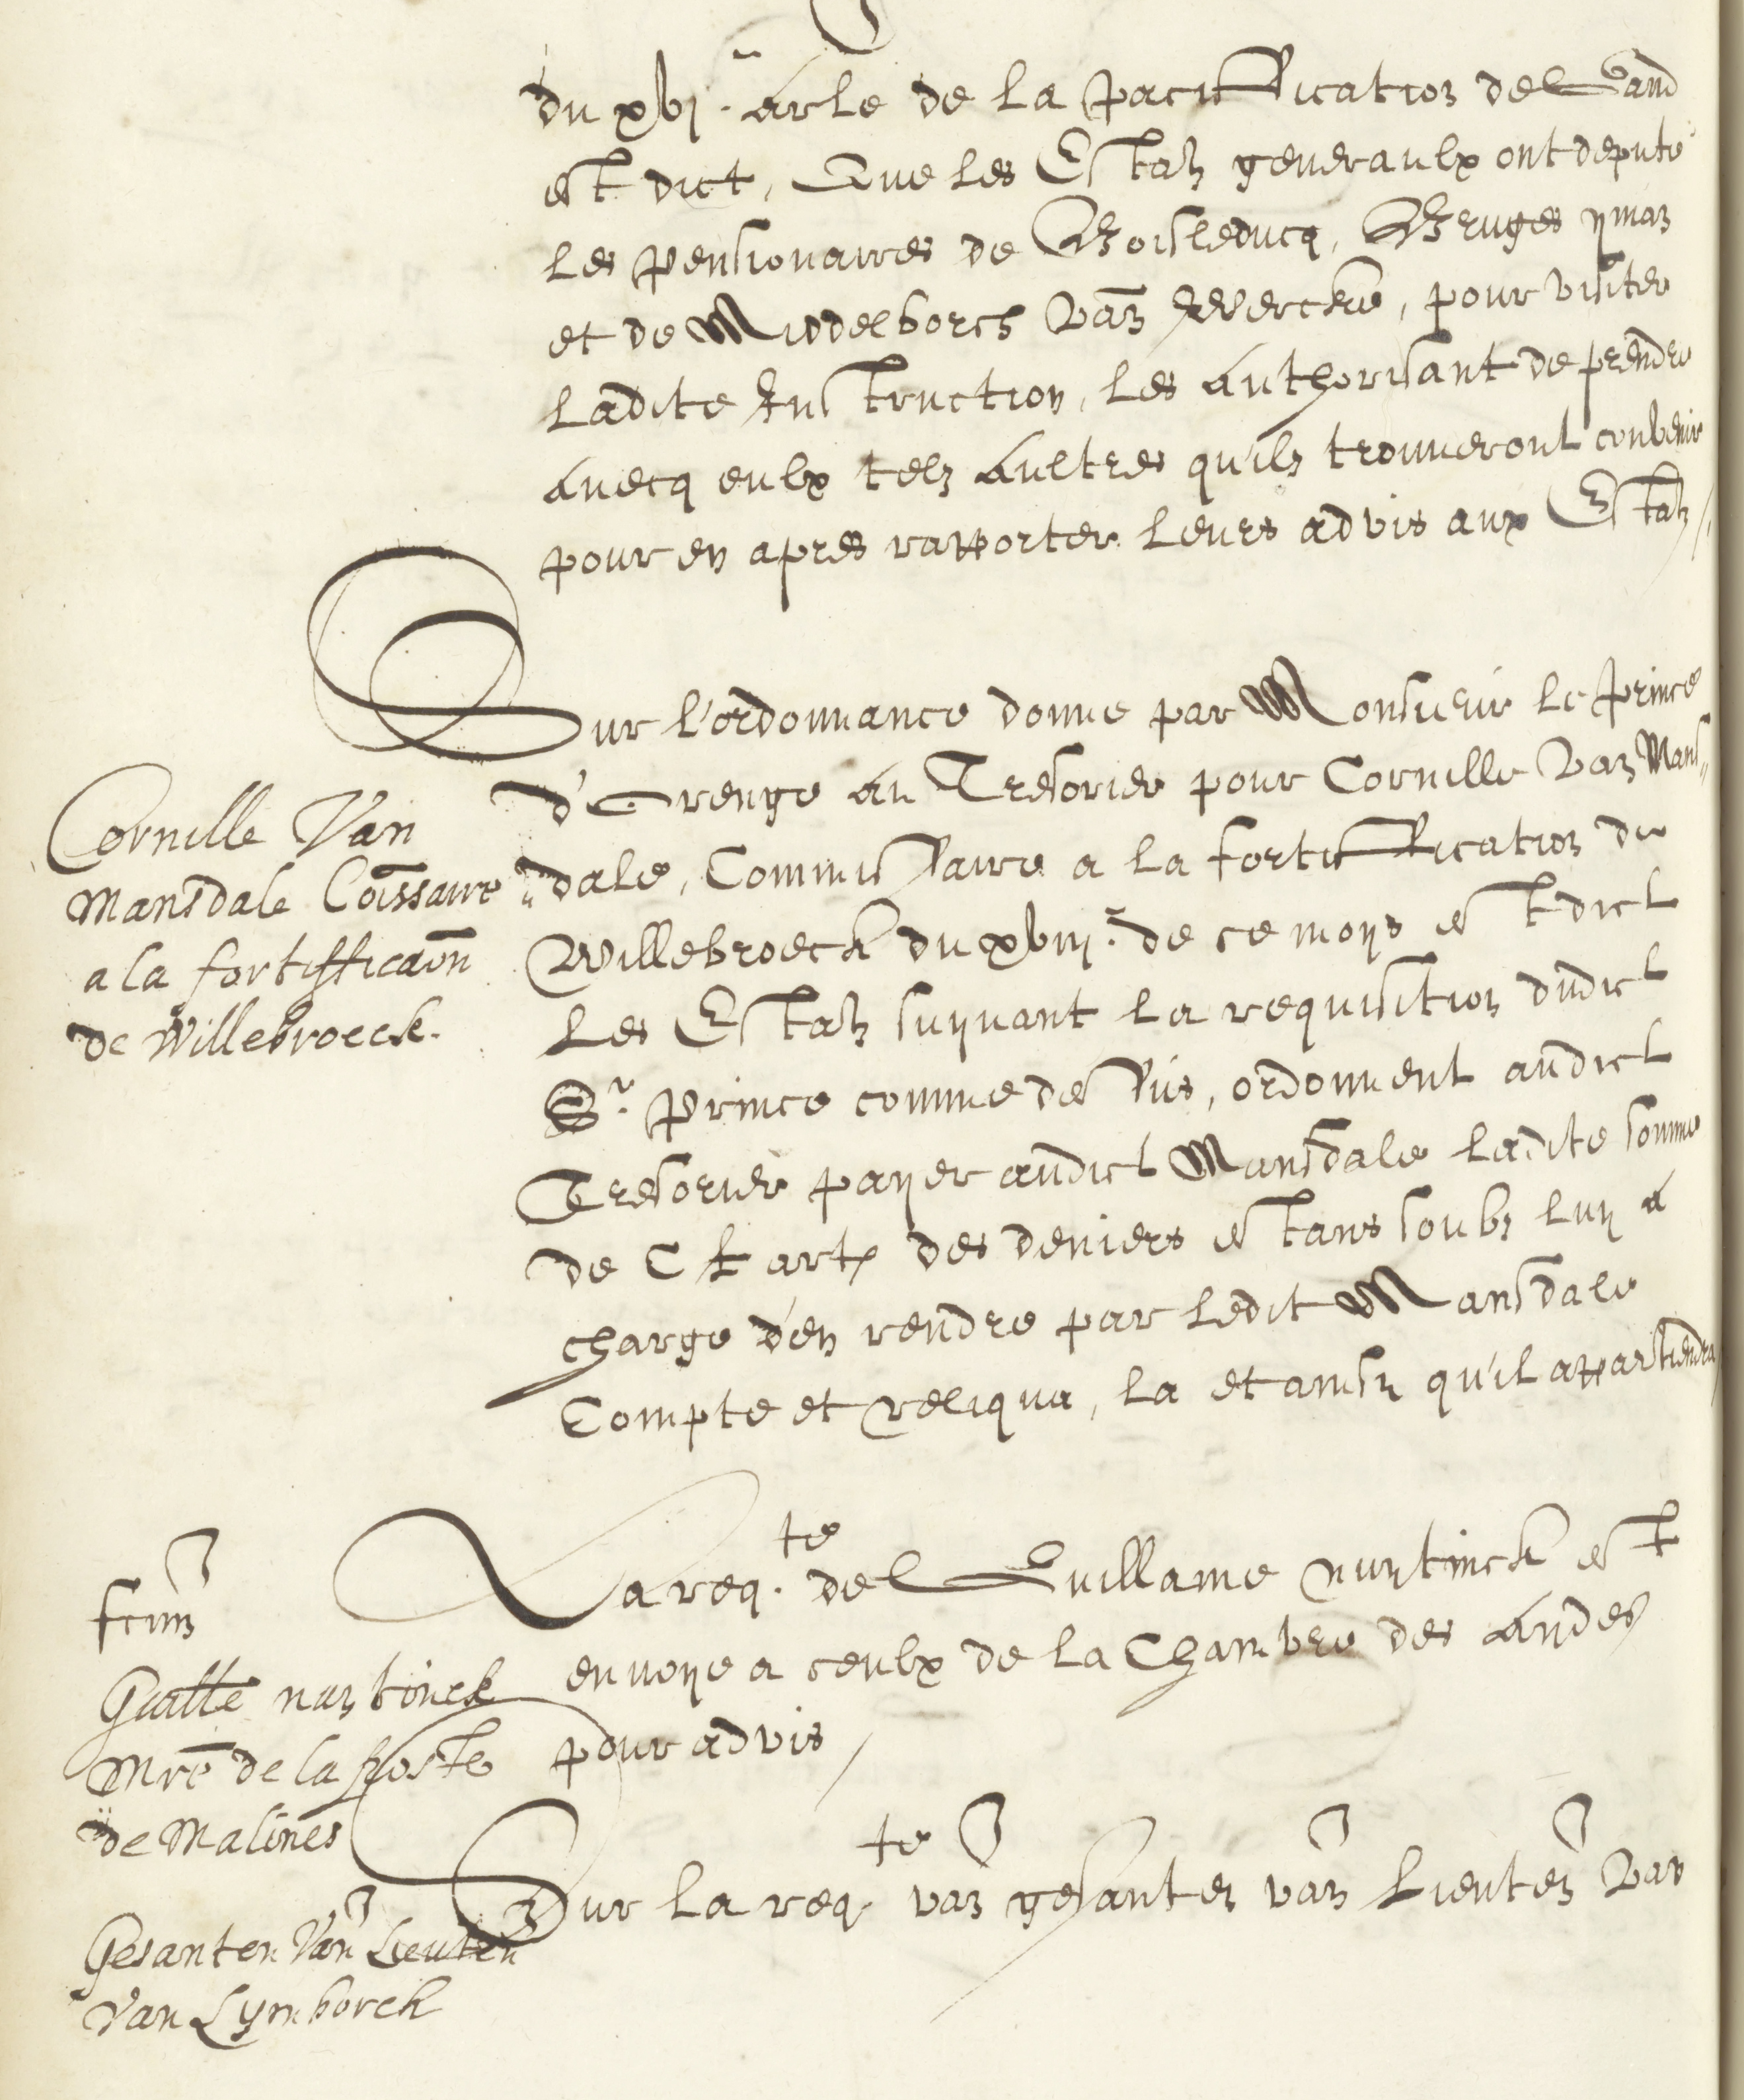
du xvie arle de la paciffication de Gand
est dict, Que les Estatz generaulx ont deputé
les pensionaires de Boisleducq, Bruges Yman
et de Middelborch van Wercke, pour visiter
ladite Instruction, les authorisant de prendre
auecq eulx telz aultres qu‛ilz trouueront convenu
pour en apres rapporter leurs advis aux Estatz.
Cornille Van
Mansdale Coissaire
a la fortifficaon
de Willebroeck.
Sur l‛odonnance donne par Monsieur le Prince
d‛Orenge au Tresorier pour Cornille van Mans„
„dale, Commissaire a la fortiffication de
Willebroeck du xviije. de ce moys est dict
les Estatz suyuant la requisition dudict
Sr. Prince comme dessus, ordonnent audict
Tresorier payer audict Mansdale ladite somme
de C L. arth des deniers estans soubz luy a
charge d'en rendre par ledit Mansdale
Compte et reliqua, la et ainsy qu‛il appartiendra
fcum
Guille nuytinck
Mre de la Poste
De Malines
La reqte. de Guillame nuytinck est
envoye a ceulx de la Chambre des aydes
pour advis
Gesanten van Lieuten
van Lymborch
Sur la reqte. van gesanten van Lieuten van
